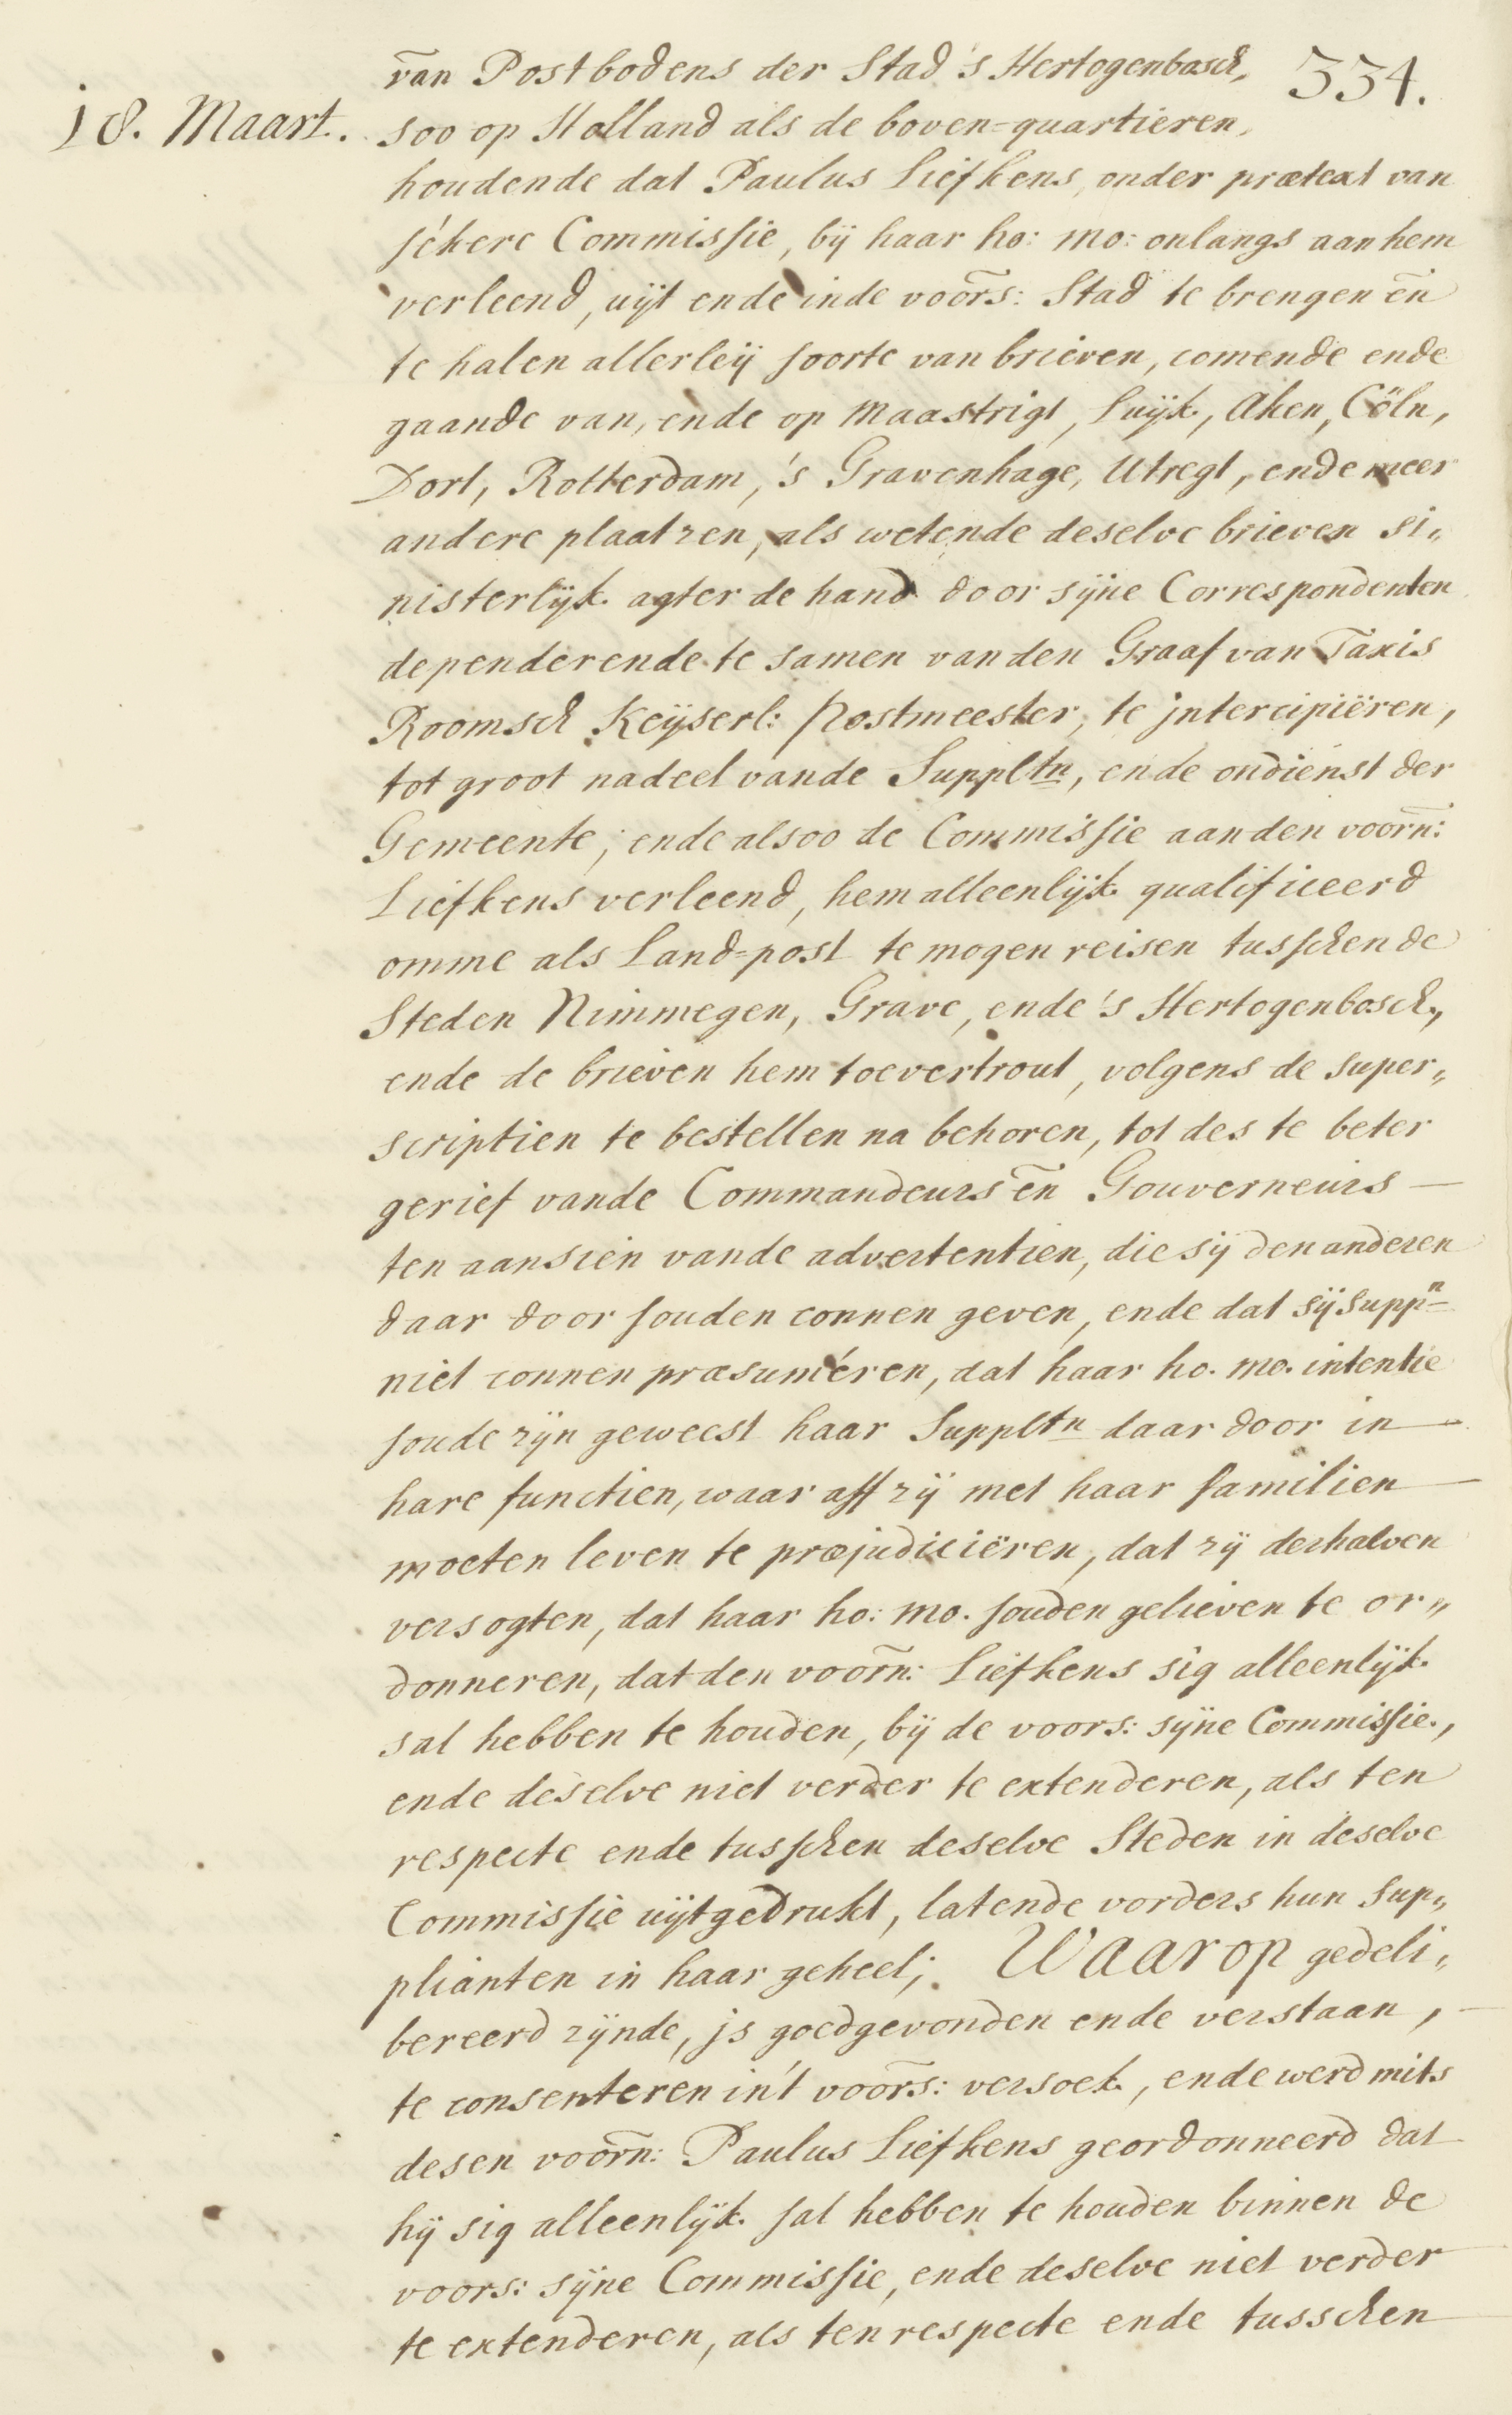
334.
18. Maart.
van Postbodens der stad 's Hertogenbosch,
soo op Holland als de boven-quartieren,
houdende dat Paulus Liefkens onder prætext van
sekere commissie bij haar ho:mo: onlangs aan hem
verleend, uijt ende inde voors: stad te brengen en
te halen allerleij soorte van brieven, comende ende
gaande van, ende op Maastrigt, Luijk, Aken, Cöln,
Dort, Rotterdam, 's Gravenhage, Utregt, ende meer
andere plaatzen, als wetende deselver brieven si„
nisterlijk agter de hand door sijne correspondenten
dependerende te samen vanden Graaf van Taxis
Roomsch Keijserl: postmeester, te intercipiëeren,
tot groot nadeel vande Suppltn., ende ondienst der
gemeente; ende alsoo de commissie aanden voorn:
liefkens verleend, hem alleenlijk qualificeerd
omme als Land-post te mogen reisen tusschen de
steden Nimmegen, Grave ende 's Hertogenbosch,
ende de brieven hem toevertrout, volgens de super„
scriptien te bestellen na behoren, tot des te beter
gerief vande Commandeurs en Gouverneurs
ten aansien vande advertentien, die sij den anderen
daar door souden connen geven, ende dat sij suppn.
niet connen præsumeren, dat haar ho. mo. intentie
soude zijn geweest haar suppltn. daar door in
hare functien, waar aff zij met haar familien
moeten leven te præjudiciëren, dat zij derhalven
versogten, dat haar ho:mo. souden gelieven te or„
donneren, dat den voorn: Liefkens sig alleenlijk
sal hebben te houden, bij de voors: sijne commissie,
ende deselve niet verder te extenderen, als ten
respecte ende tusschen deselve Steden in deselve
Commissie uijtgedrukt, latende vorders hun sup,,
plianten in haar geheel; Waarop gedeli„
bereerd zijnde, is goedgevonden ende verstaan,
te consenteren in't voors: versoek, ende werd mits
desen voorn: Paulus Liefkens geordonneerd dat
hij sig alleenlijk sal hebben te houden binnen de
voors: sijne Commissie, ende deselve niet verder
te extenderen, als ten respecte ende tusschen
